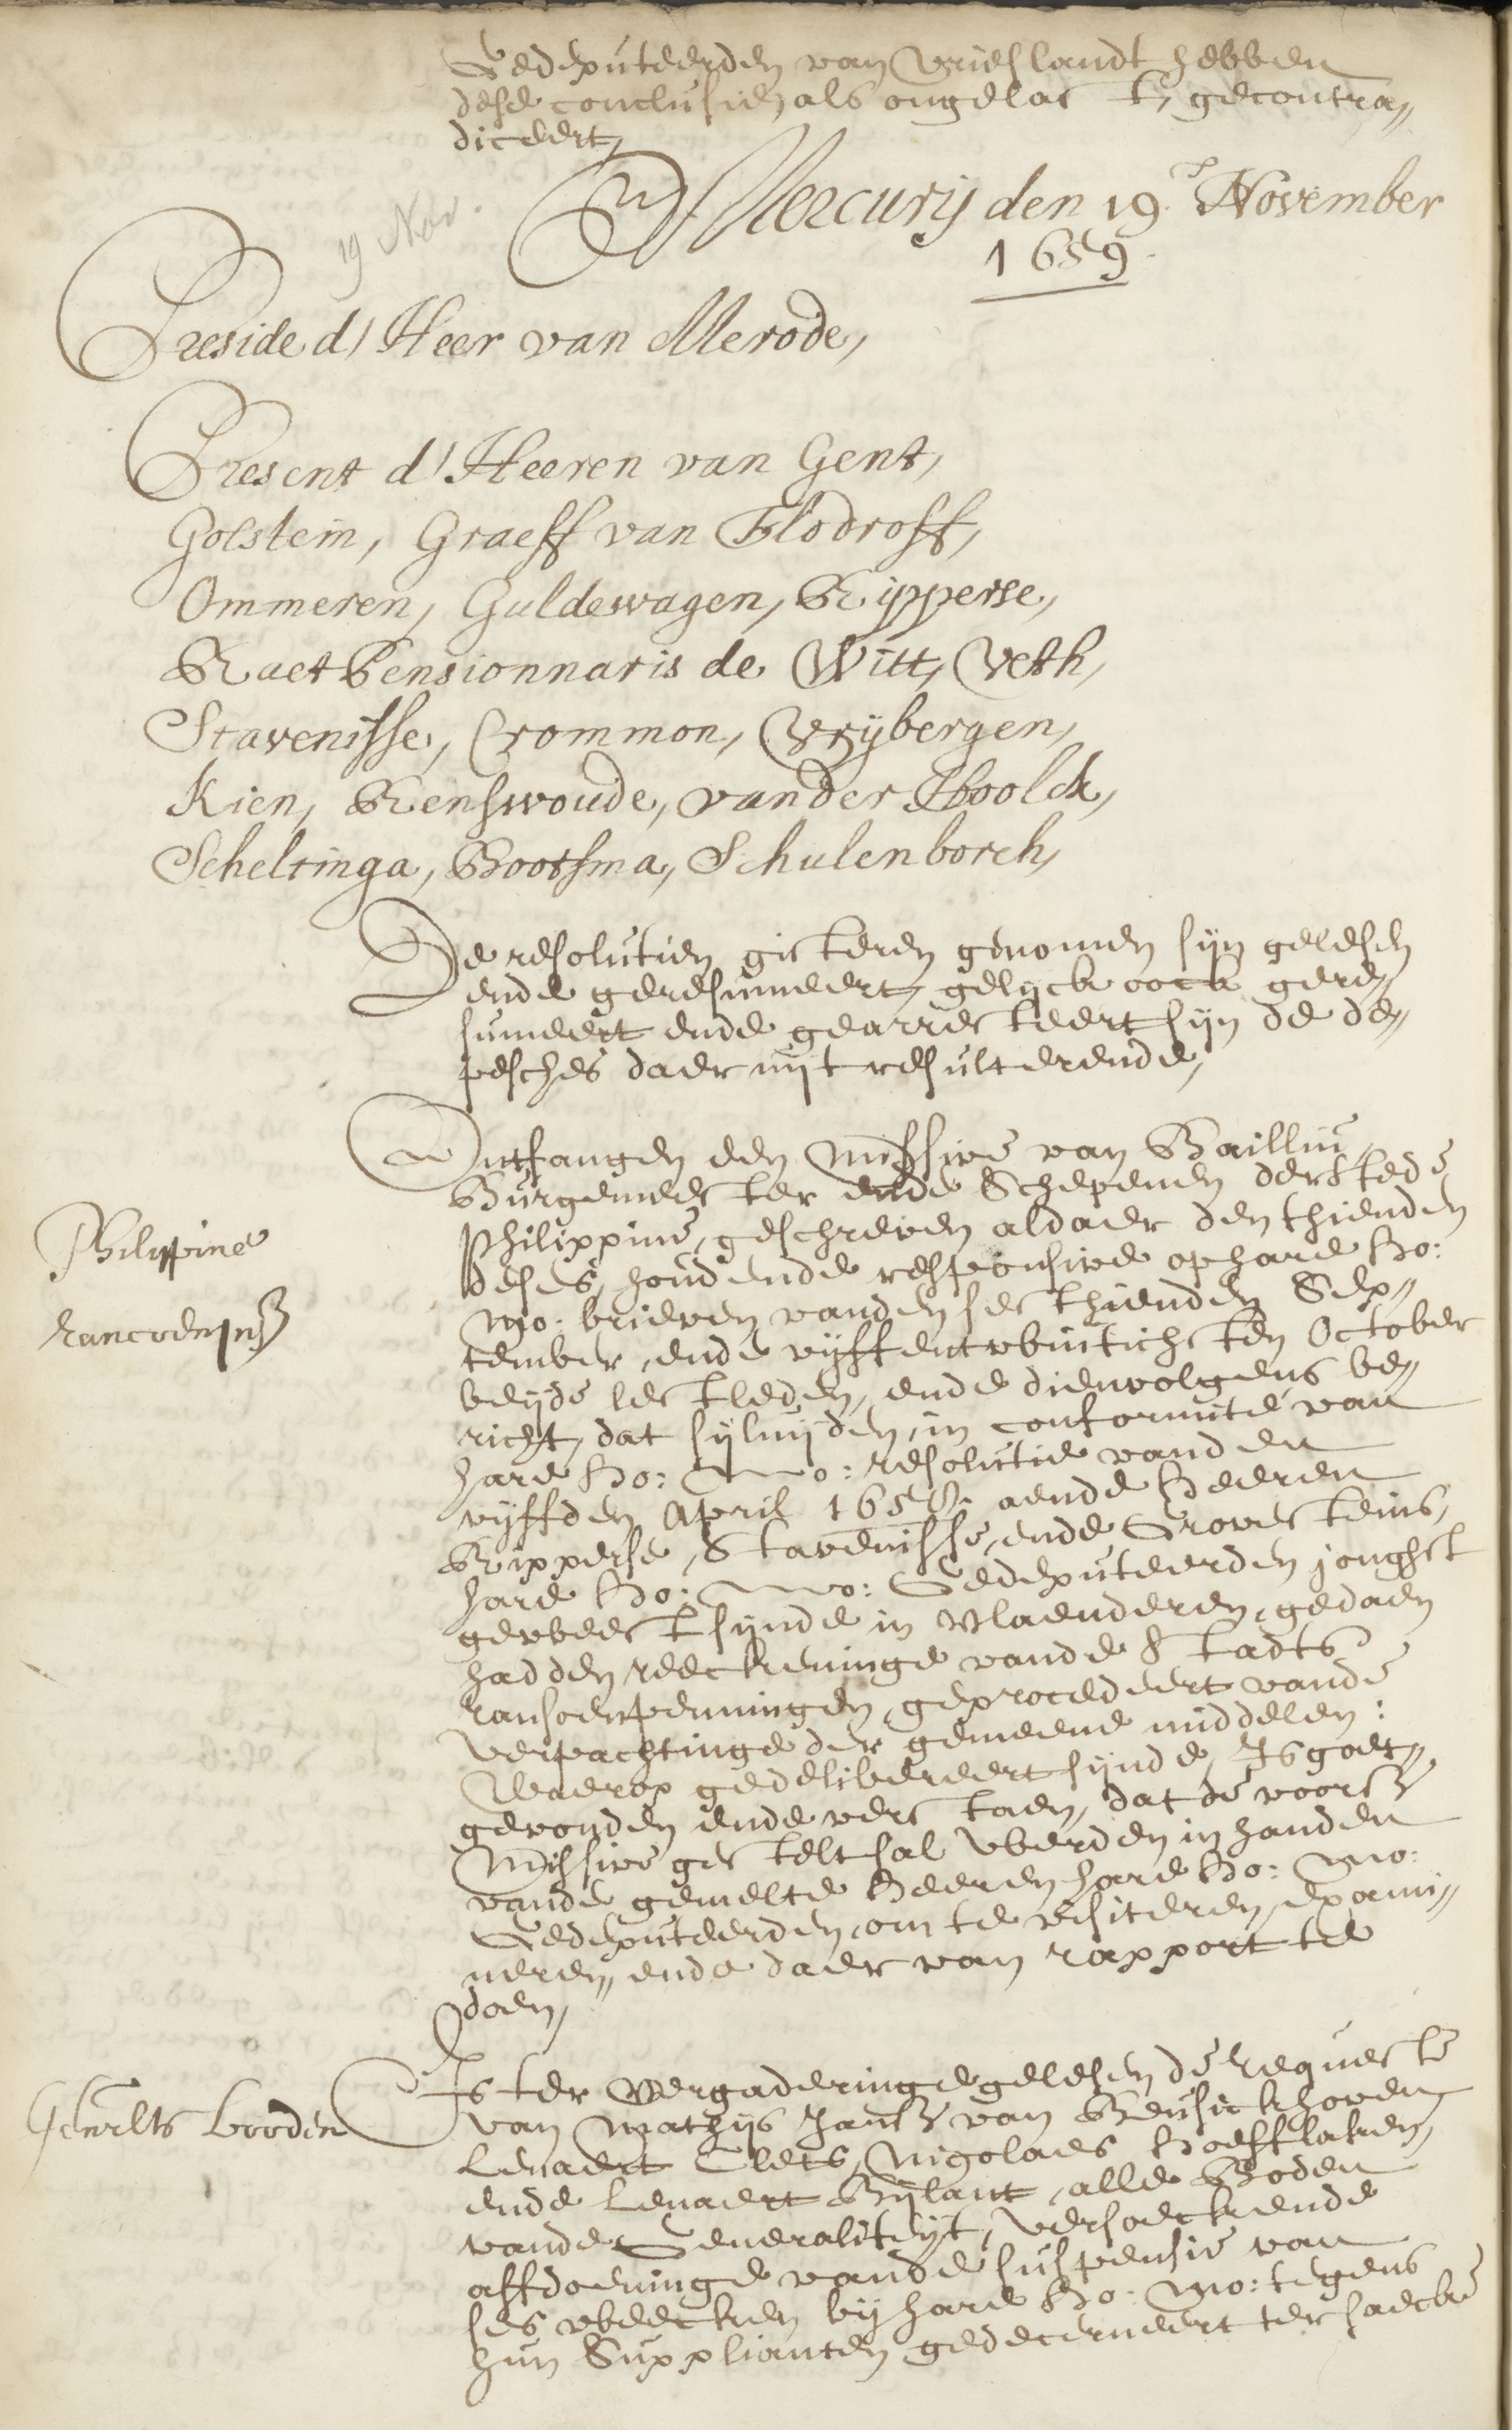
Gedeputeerden van Vrieslandt hebben
dese conclusie, als ongelast, gecontra,,
diceert.
Mercurij den 19e. November
1659.
Preside d' Heer van Merode,
Present d' Heeren van Gent,
Golstein, Graeff van Flodroff,
Ommeren, Guldewagen, Ripperse,
Raet Pensionnaris de Witt, Veth,
Stavenisse, Crommon, Vrijbergen,
Kien, Renswoude, van der Hoolck,
Scheltinga, Bootsma, Schulenborch.
De resolutien gisteren genomen sijn gelesen
ende geresumeert, gelijck oock gere,,
sumeert ende gearresteert sijn de de,,
pesches daer uijt resulterende.
Philippine
rancoenpn
Ontfangen een missive van Bailliu,
Burgemeester ende Schepenen der Stede
Philippine, geschreven aldaer den thienden
deses, houdende responsive op hare Ho:
Mo: brieven vanden sesthienden Sep,,
tember, ende vijffentwintichsten October
beijde lestleden, ende dienvolgens be,,
richt, dat sijluijden, in conformité van
hare Ho:Mo: resolutie vanden
vijffden april 1658 aende Heeren
Ripperse, Stavenisse, ende Grovesteins,
hare Ho:Mo: Gedeputeerden jonghst
geweest sijnde in Vlaenderen, gedaen
hadden reeckeninge vande Stadts
ransoenpenningen, geprocedeert vande
verpachtinge der gemeene middelen:
Waerop gedelibereert sijnde, Is goet,,
gevonden ende verstaen, dat de voors
missive gestelt sal werden in handen
vande gemelte Heeren hare Ho:Mo:
Gedeputeerden, om te visiteren, exami,,
neren, ende daer van rapport te
doen.
Genrlts booden
Is ter vergaderinge gelesen de requeste
van mathijs Jansz van Beusickhoven,
Lenaert Clets, Nicolaes Hoefflaken,
ende Lenaert Bijlant, alle Boden
vande Generaliteijt, versoeckende
affdoeninge vande suspensie van
ses weecken bij hare Ho:Mo: tegens
hun Supplianten gedecerneert ter saecke
